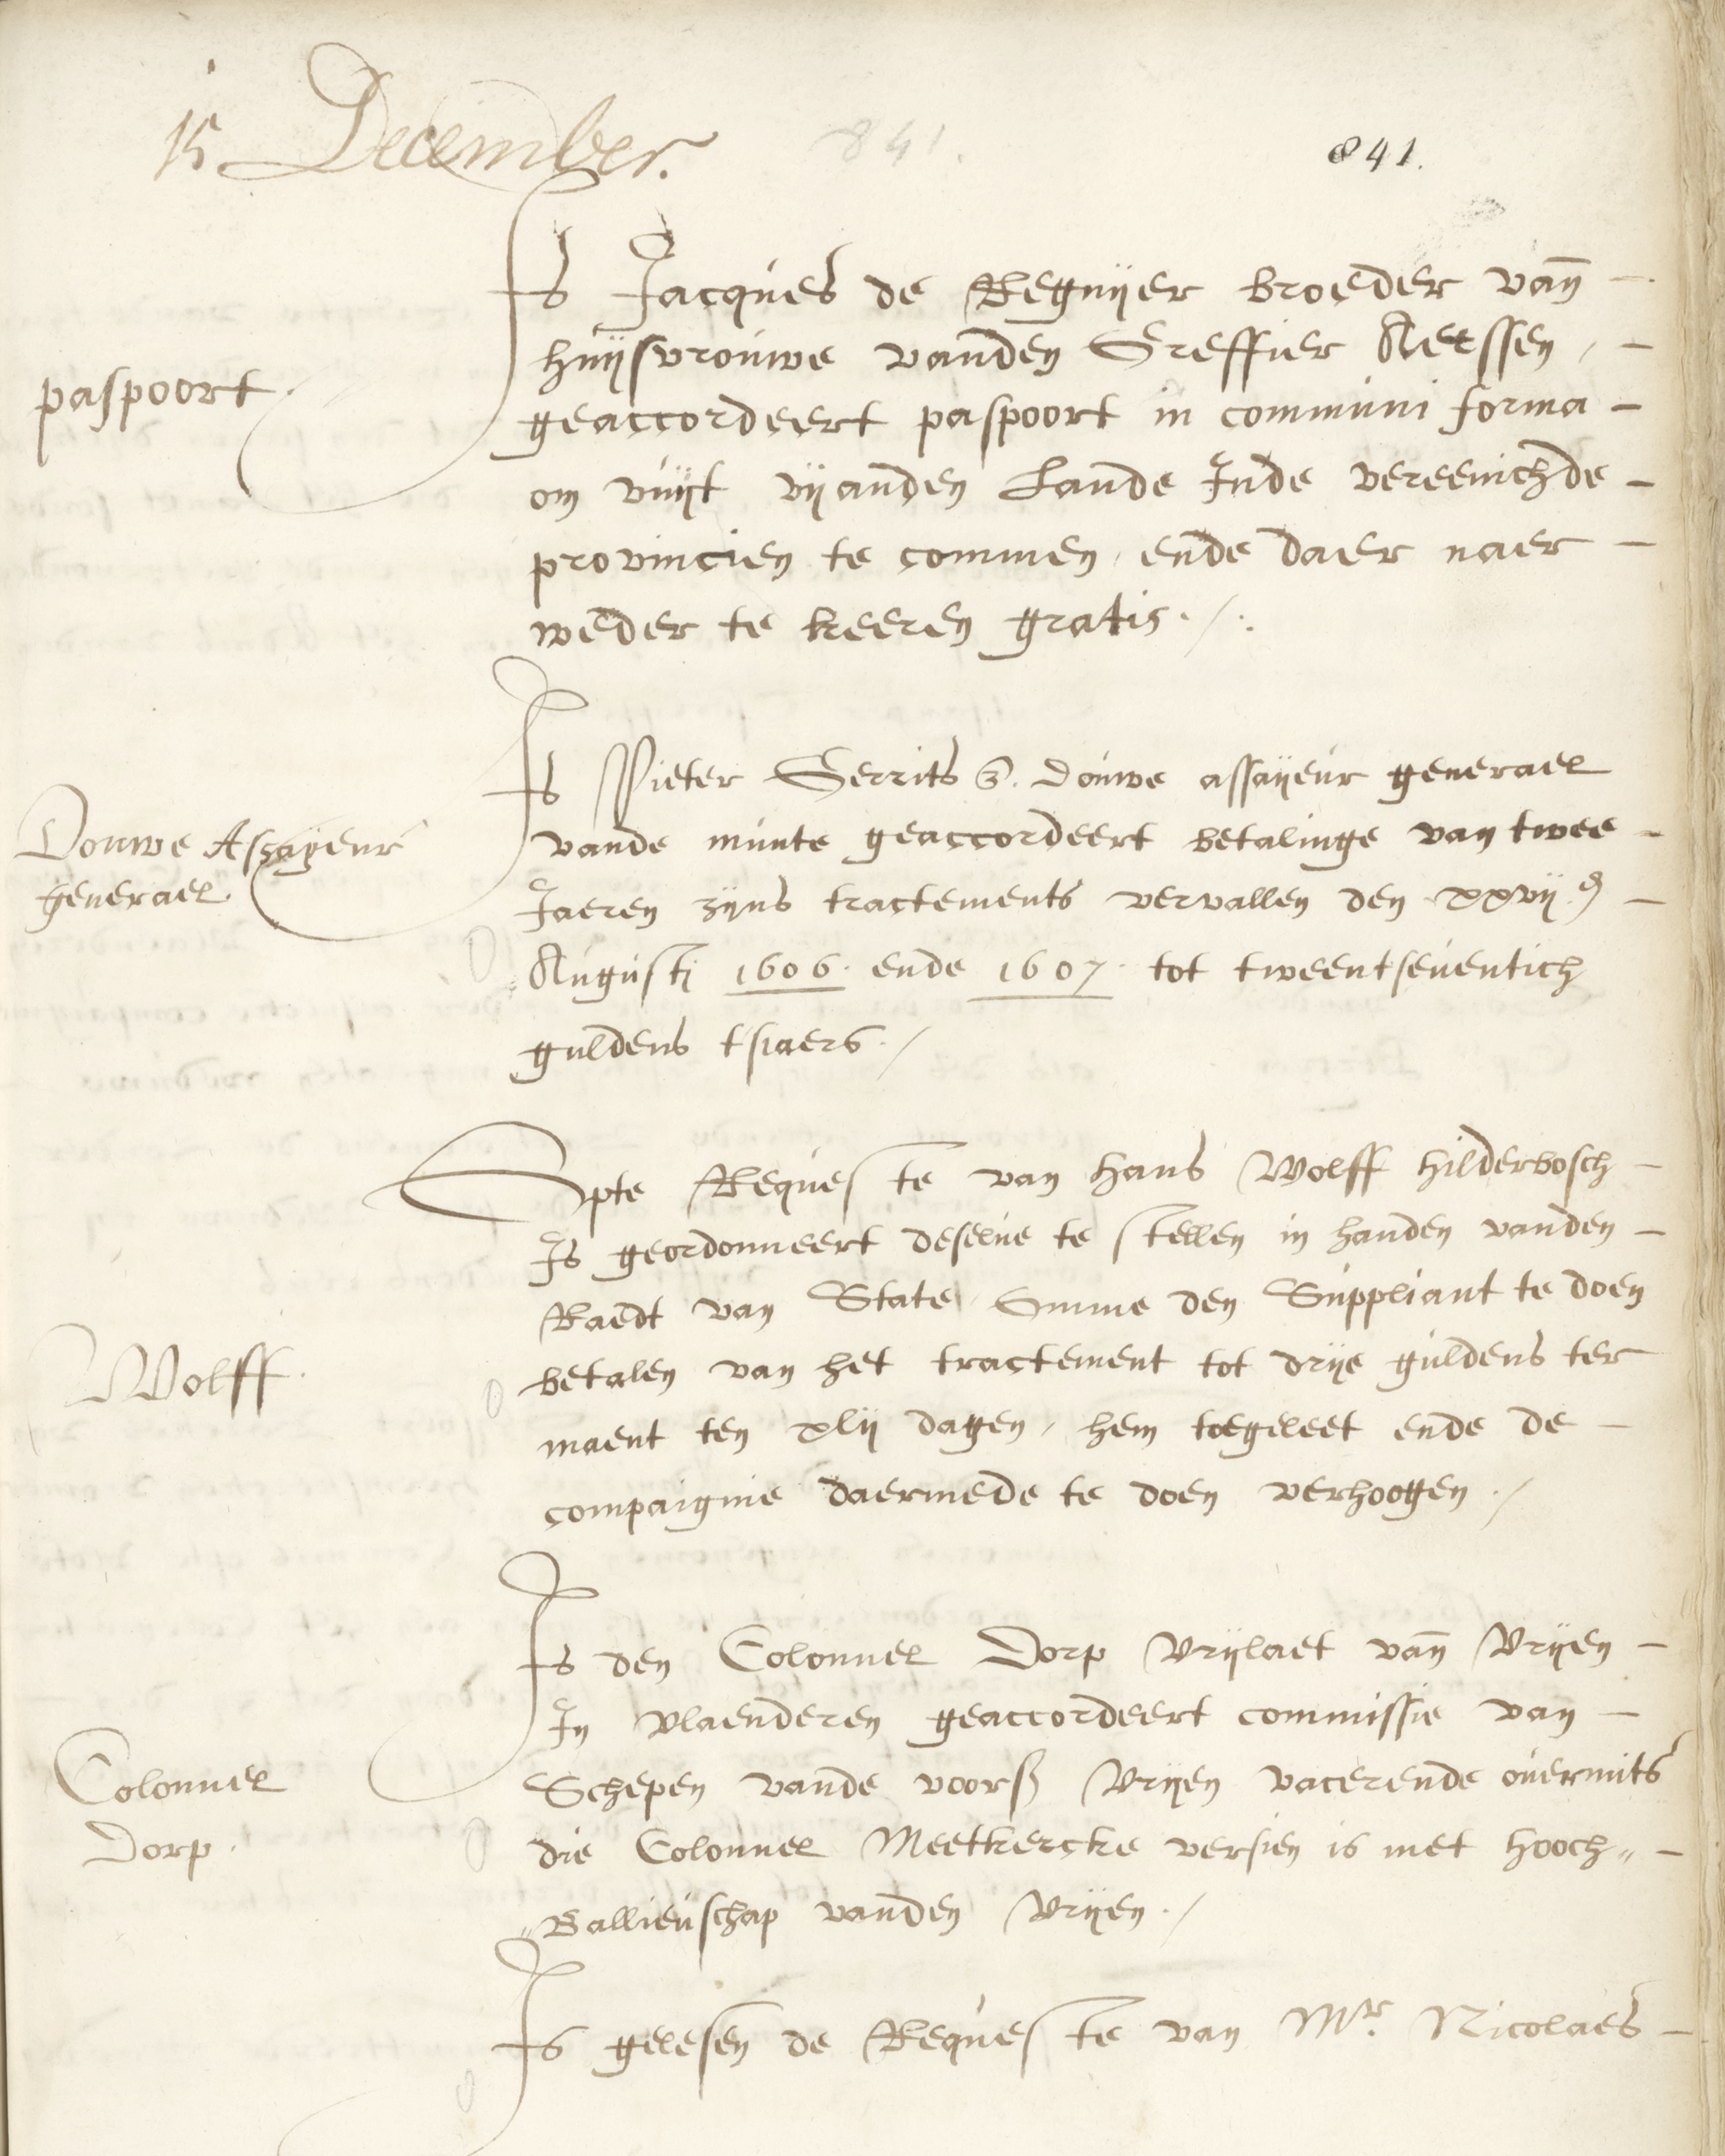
841.
841
15 December.
paspoort
Is Jacques de Regnijer broeder van
huijsvrouwe vanden Greffier Aerssen,
geaccordeert paspoort in communi forma
om vuijt vijanden Lande Inde vereenichde
provincien te commen, ende daer naer
weder te keeren gratis.
Douwe Assaijeur
generael
Is Pieter Gerritsz Douwe assaijeur generael
vande munte geaccordeert betalinge van twee
Jaeren zijns tractements vervallen den xxvijen
Augusti 1606. ende 1607. tot tweentseuentich
guldens t'siaers.
Wolff
Opte Requeste van Hans Wolff Hilderbosch
Is geordonneert deselue te stellen in handen vanden
Raedt van State omme den Suppliant te doen
betalen van het tractement tot drije guldens ter
maent ten xlij dagen, hem toegeleet ende de
compaignie daermede te doen verhoogen.
Colonnel
Dorp.
Is den Colonnel Dorp Vrijlaet van Vrijen
In Vlaenderen geaccordeert commissie van
Schepen vande voors Vrijen vacerende ouermits
die Colonnel Meetkercke versien is met hooch,,
„Ballieuschap vanden Vrijen.
Is gelesen de Requeste van Mr. Nicolaes
